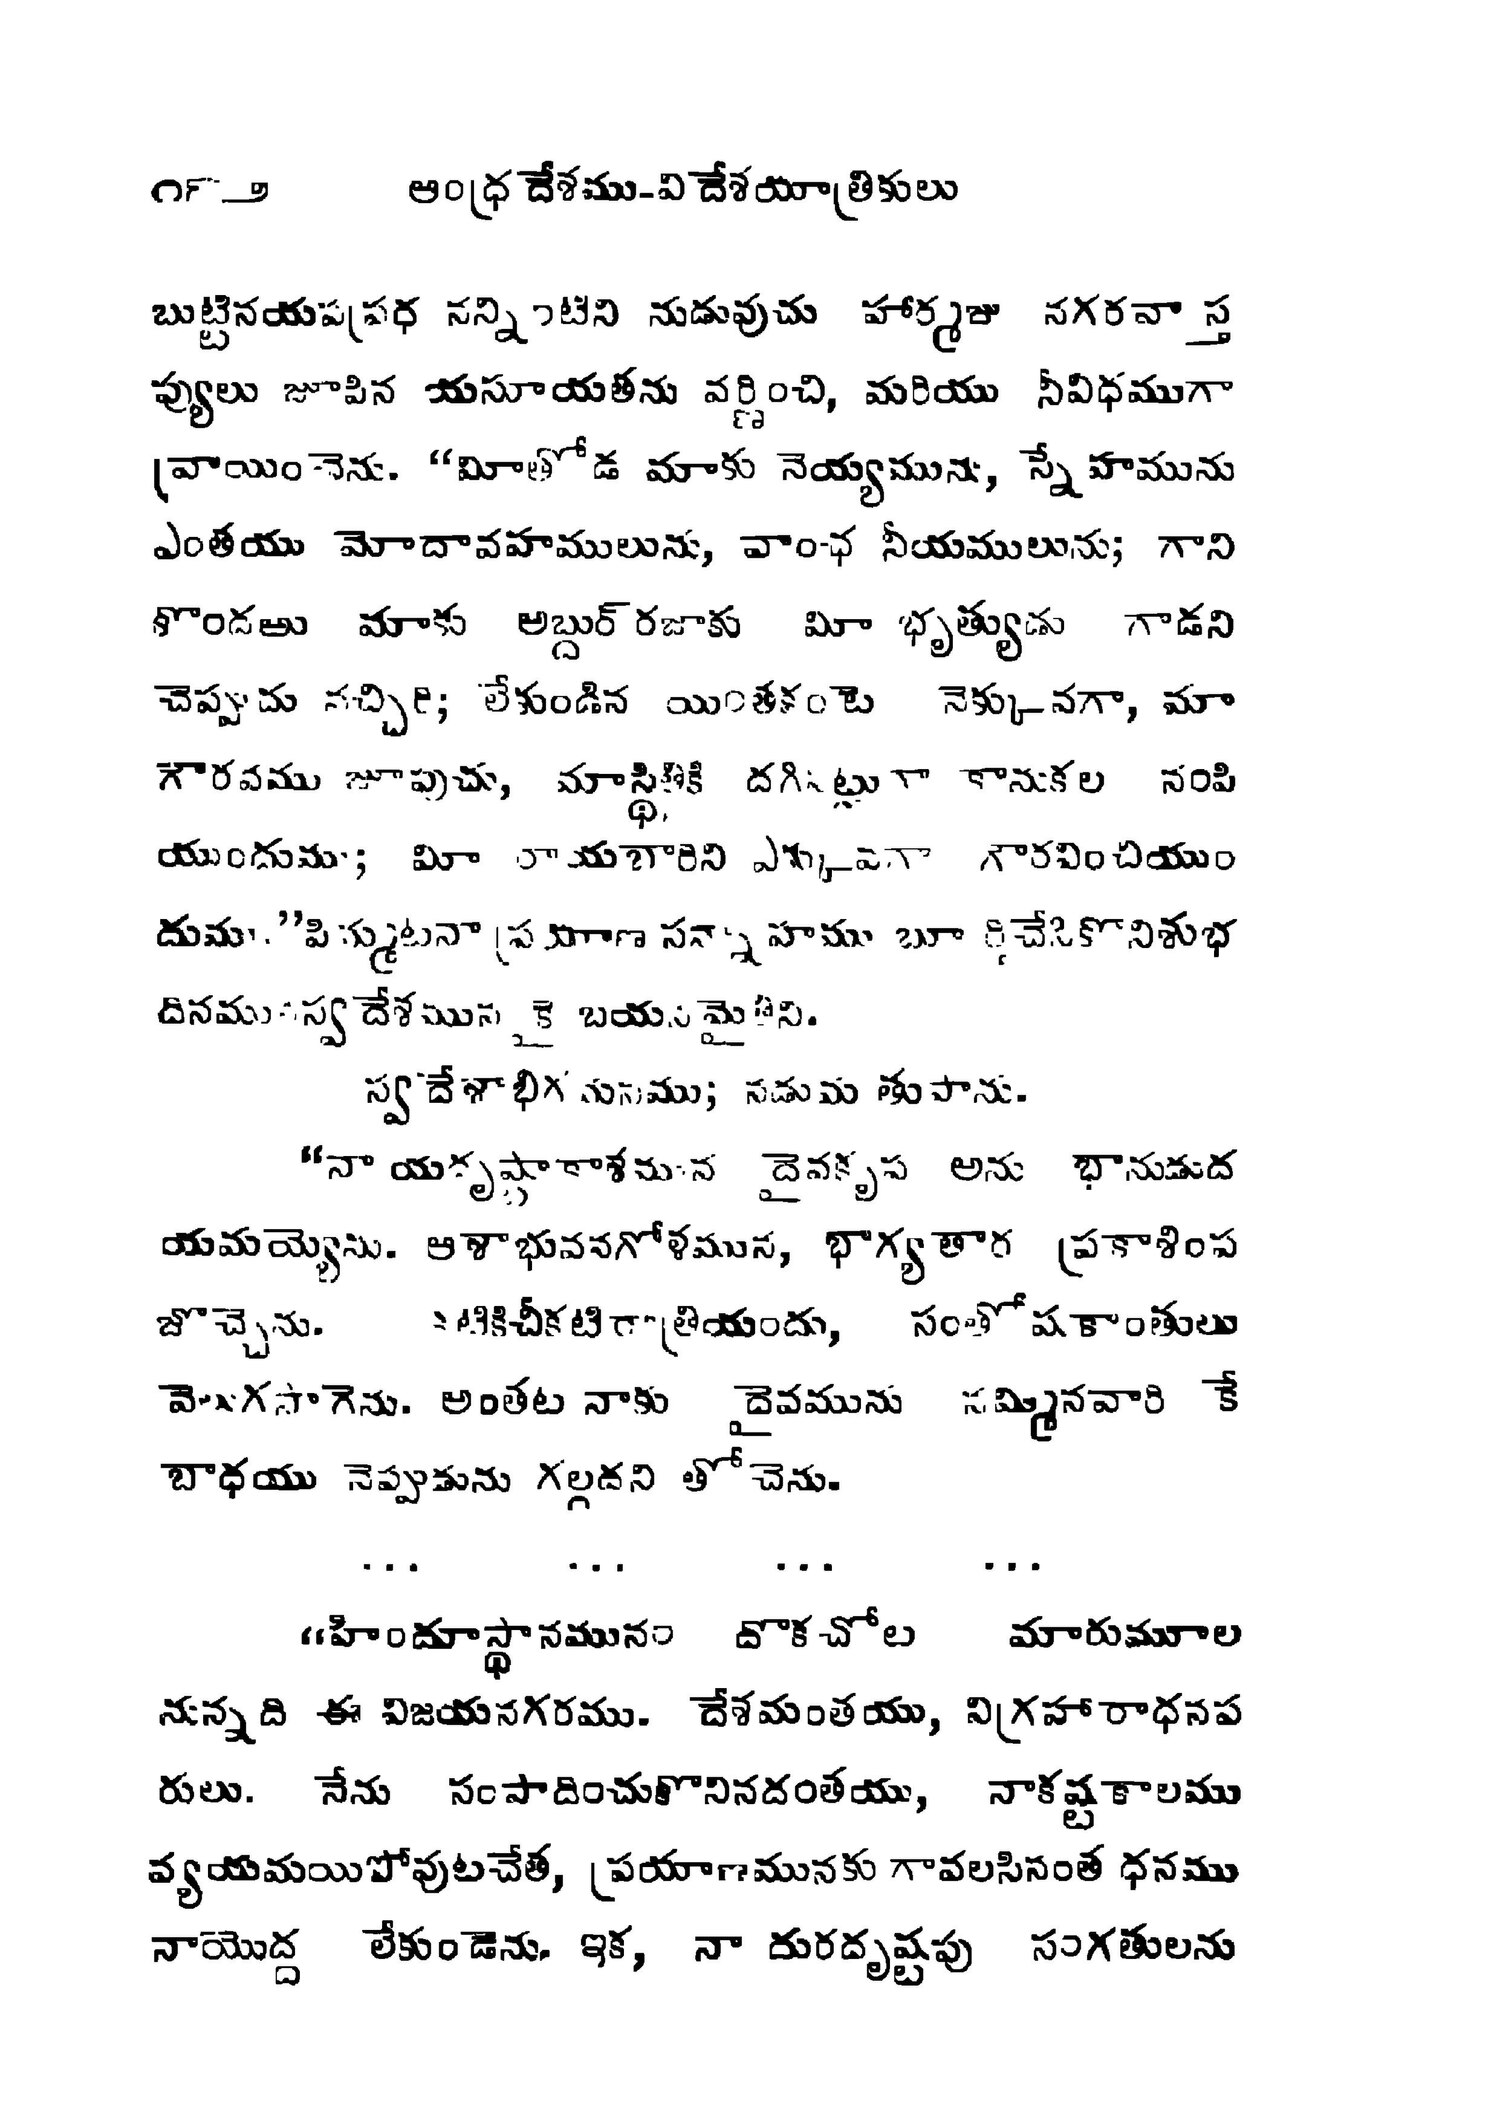బుట్టినయపప్రధ నన్నింటిని నుడువుచు హార్మజు నగరవాస్తవ్యులు జూపిన యసూయతను వర్ణించి, మరియు నీవిధముగా వ్రాయించెను. "మీతోడ మాకు నెయ్యమును, స్నేహమును ఎంతయు మోదావహములును, వాంఛ నీయములును; గాని కొందఱు మాకు అబ్దుర్ రజాకు మీ భృత్యుడు గాడని చెప్పుచు వచ్చిరి; లేకుండిన యింతకంటె నెక్కువగా, మాగౌరవము జూపుచు, మాస్థితికి దగినట్లుగా కానుకల నంపి యుందుము; మీ రాయబారిని ఎక్కువగా గౌరవించియుందుము." పిమ్మటనా ప్రయాణసన్నాహము బూర్తిచేసికొని శుభదినమున స్వదేశమునకై బయనమైతిని.

"నా యదృష్టాకాశమున దైవకృప అను భానుడుదయమయ్యెను. ఆశాభువనగోళమున, భాగ్యతార ప్రకాశింప జొచ్చెను. కటికచీకటి రాత్రియందు, సంతోషకాంతులు వెలుగసాగెను. అంతట నాకు దైవమును నమ్మినవారి కేబాధయు నెప్పుడును గల్గదని తోచెను.

"హిందూస్థానమునం దొకచోట మారుమూల నున్నది ఈ విజయనగరము. దేశమంతయు, విగ్రహారాధనపరులు. నేను సంపాదించుకొనిన దంతయు, నాకష్టకాలము వ్యయమయి పోవుటచేత, ప్రయాణమునకు గావలసినంత ధనము నాయొద్ద లేకుండెను. ఇక, నా దురదృష్టపు సంగతులను